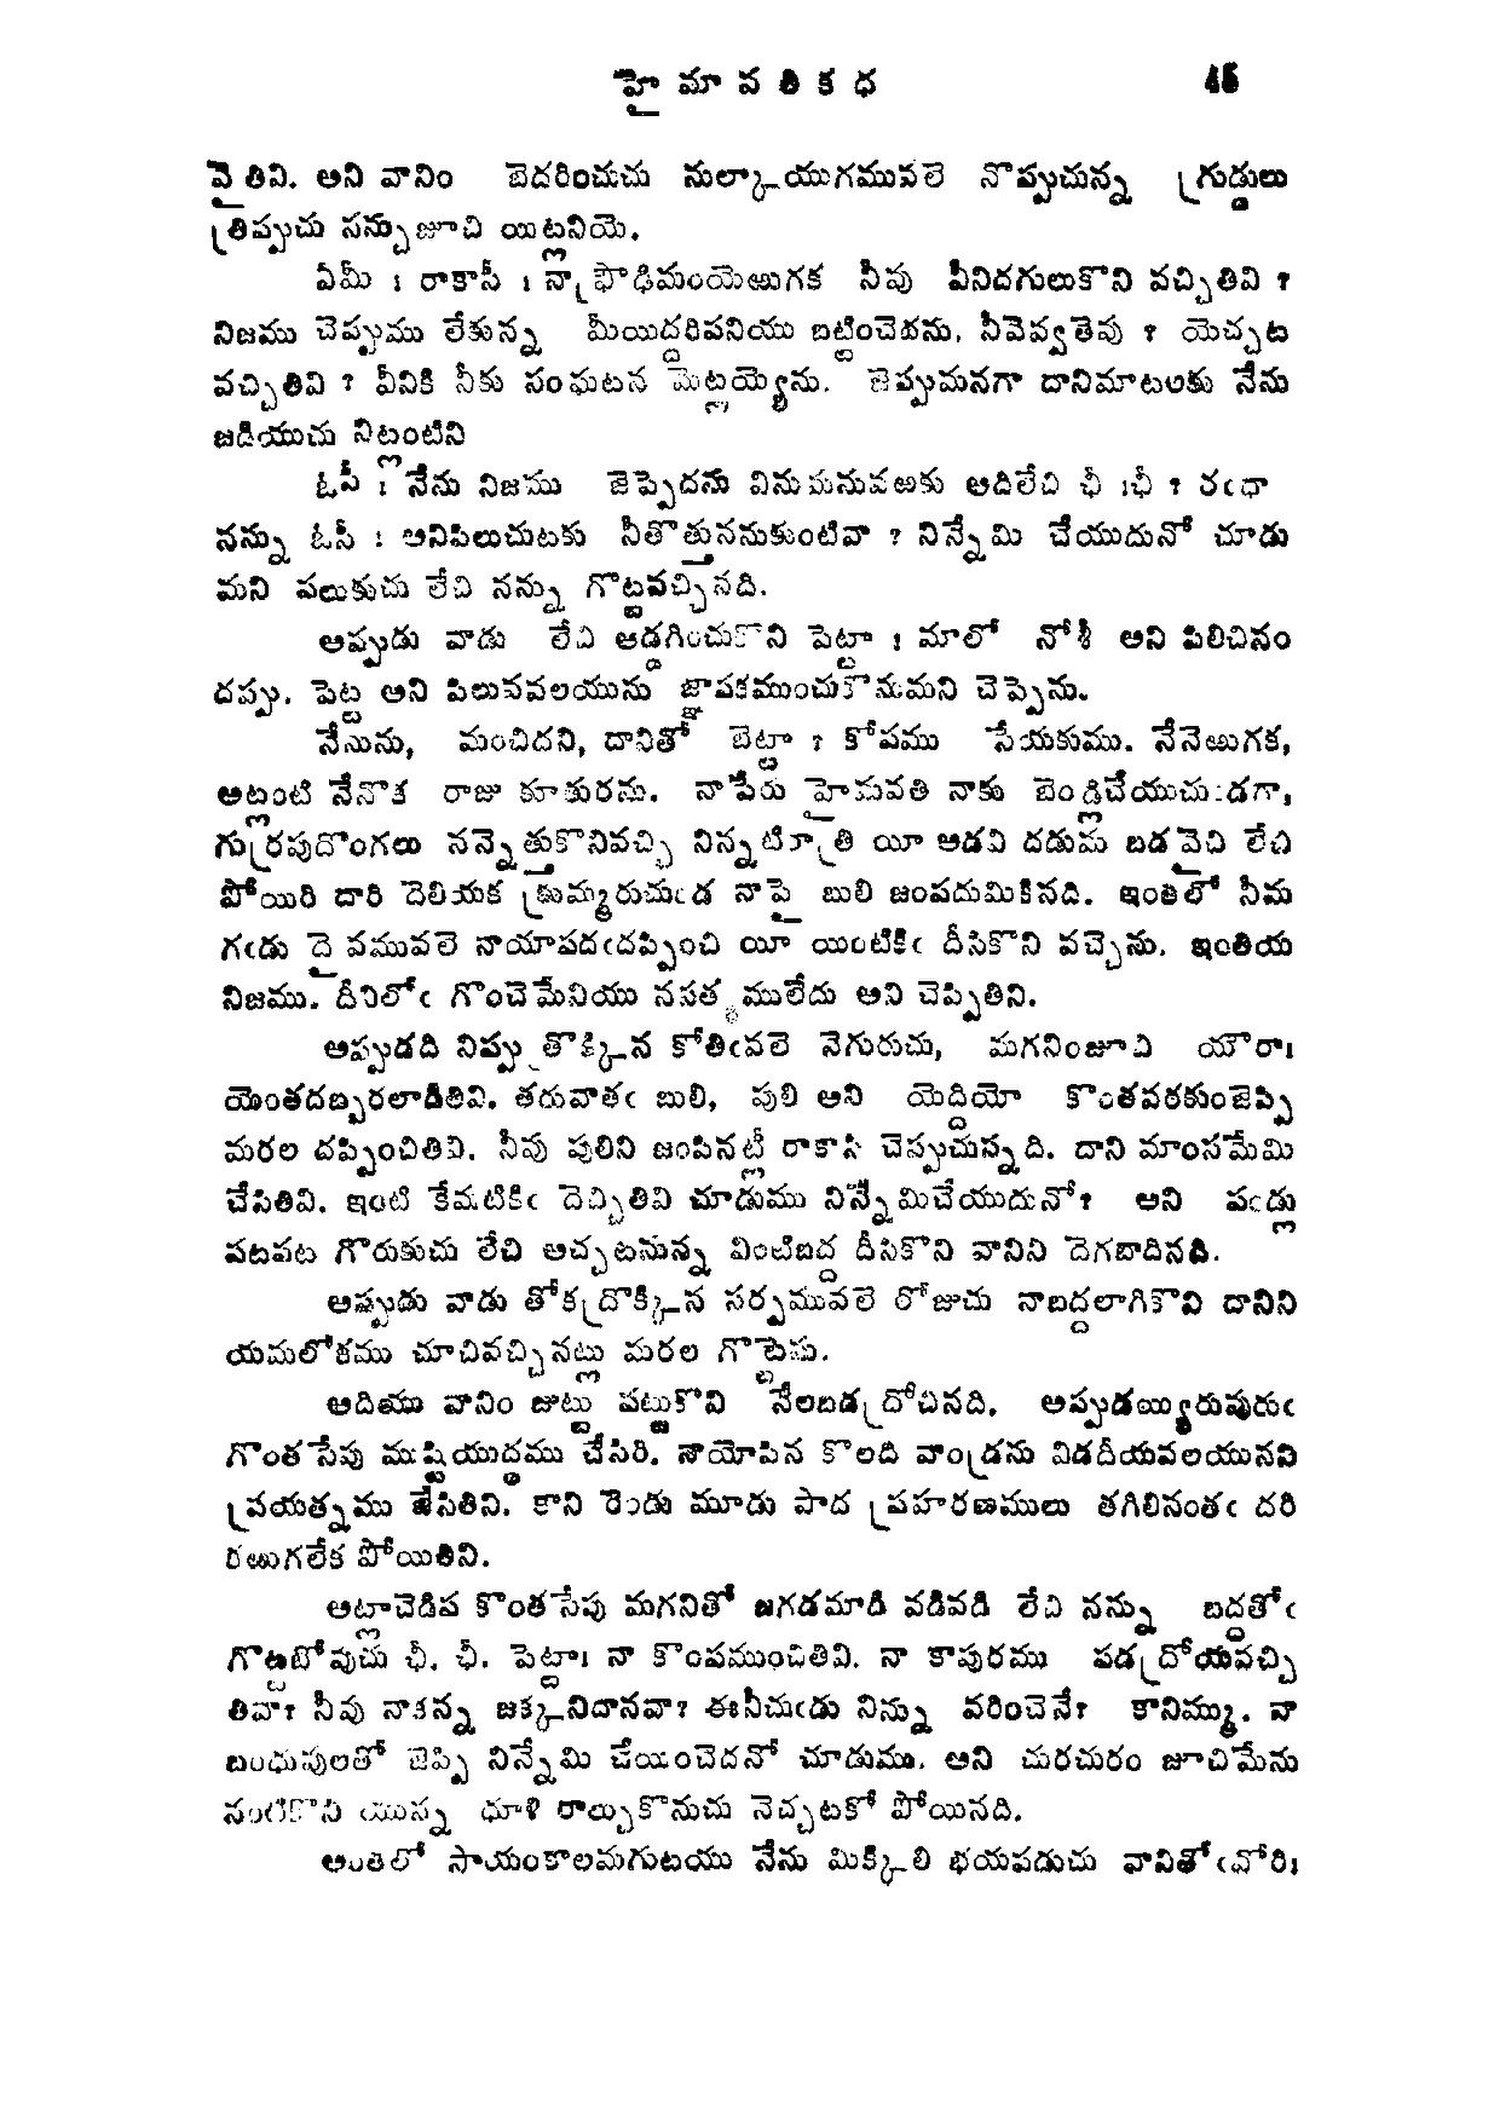వైతివి. అని వానిం బెదరించుచు నుల్కాయుగమువలె నొప్పుచున్న గ్రుడ్డులు త్రిప్పుచు నన్ను జూచి యిట్లనియె.

ఏమీ! రాకాసీ! నాఫ్రౌఢిమంయెఱుగక నీవు వీనిదగులుకొని వచ్చితివి? నిజము చెప్పుము లేకున్న మీయిద్దరిపనియు బట్టించెదను, నీవెవ్వతెవు? యెచ్చట వచ్చితివి? వీనికి నీకు సంఘటన మెట్లయ్యెను. జెప్పుమనగా దానిమాటలకు నేను జడియుచు నిట్లంటిని

ఓసీ! నేను నిజము జెప్పెదను వినుమనువఱకు అదిలేచి చీ! చీ? రంఢా నన్ను ఓసీ! అనిపిలుచుటకు నీతొత్తుననుకుంటివా? నిన్నేమి చేయుదునో చూడుమని పలుకుచు లేచి నన్ను గొట్టవచ్చినది.

అప్పుడు వాడు లేచి అడ్డగించుకొని పెట్టా! మాలో నోశీ అని పిలిచినం దప్పు. పెట్ట అని పిలువవలయును జ్ఞాపకముంచుకొనుమని చెప్పెను.

నేనును, మంచిదని, దానితో బెట్ ? కోపము సేయకుము. నేనెఱుగక, అట్లంటి నేనొక రాజు కూతురను. నాపేరు హైమవతి నాకు బెండ్లిచేయుచుండగా, గుర్రపుదొంగలు నన్నెత్తుకొనివచ్చి నిన్నటిరాత్రి యీ అడవి నడుమ బడవైచి లేచిపోయిరి దారి దెలియక క్రుమ్మరుచుండ నాపై బులి జంపదుమికినది. ఇంతలో నీమగఁడు దైవమువలె నాయాపదఁదప్పించి యీ యింటికిఁ దీసికొని వచ్చెను. ఇంతియ నిజము. దీనిలోఁ గొంచెమేనియు నసత్యములేదు అని చెప్పితిని.

అప్పుడది నిప్పు తొక్కిన కోతిఁవలె నెగురుచు, మగనింజూచి యౌరా! యెంతదబ్బరలాడితివి. తరువాతఁ బులి, పులి అని యెద్దియో కొంతవరకుంజెప్పి మరల దప్పించితివి. నీవు పులిని జంపినట్లీ రాకాసి చెప్పుచున్నది. దాని మాంసమేమి చేసితివి. ఇంటి కేమటికిఁ దెచ్చితివి చూడుము నిన్నేమిచేయుదునో? అని పండ్లు పటపట గొరుకుచు లేచి అచ్చటనున్న వింటిబద్ద దీసికొని వానిని దెగబాదినది.

అప్పుడు వాడు తోక ద్రొక్కిన సర్పమువలె రోజుచు నాబద్దలాగికొని దానిని యమలోకము చూచి వచ్చినట్లు మరల గొట్టెను.

అదియు వానిం జుట్టు పట్టుకొని నేలబడద్రోచినది. అప్పుడయ్యిరువురుఁ గొంత సేపు ముష్టియుద్ధము చేసిరి. నాయోపిన కొలది వాండ్రను విడదీయవలయునని ప్రయత్నము జేసితిని. కాని రెండు మూడు పాదప్రహరణములు తగిలినంతఁ దరి కఱుగలేక పోయితిని.

అట్లాచెడిప కొంతసేపు మగనితో జగడమాడి వడివడి లేచి నన్ను బద్దతోఁ గొట్టబోవుచు ఛీ, ఛీ, పెట్టా! నా కొంపముంచితివి. నా కాపురము పడద్రోయవచ్చితివా? నీవు నాకన్న జక్కనిదానవా? ఈ నీచుఁడు నిన్ను వరించెనే? కానిమ్ము. నా బంధువులతో జెప్పి నిన్నేమి చేయించెదనో చూడుము. అని చురచురం జూచిమేను నంటికొని యున్న ధూళి రాల్చుకొనుచు నెచ్చటకో పోయినది.

అంతలో సాయంకాలమగుటయు నేను మిక్కిలి భయపడుచు వానితోఁ వోరి!